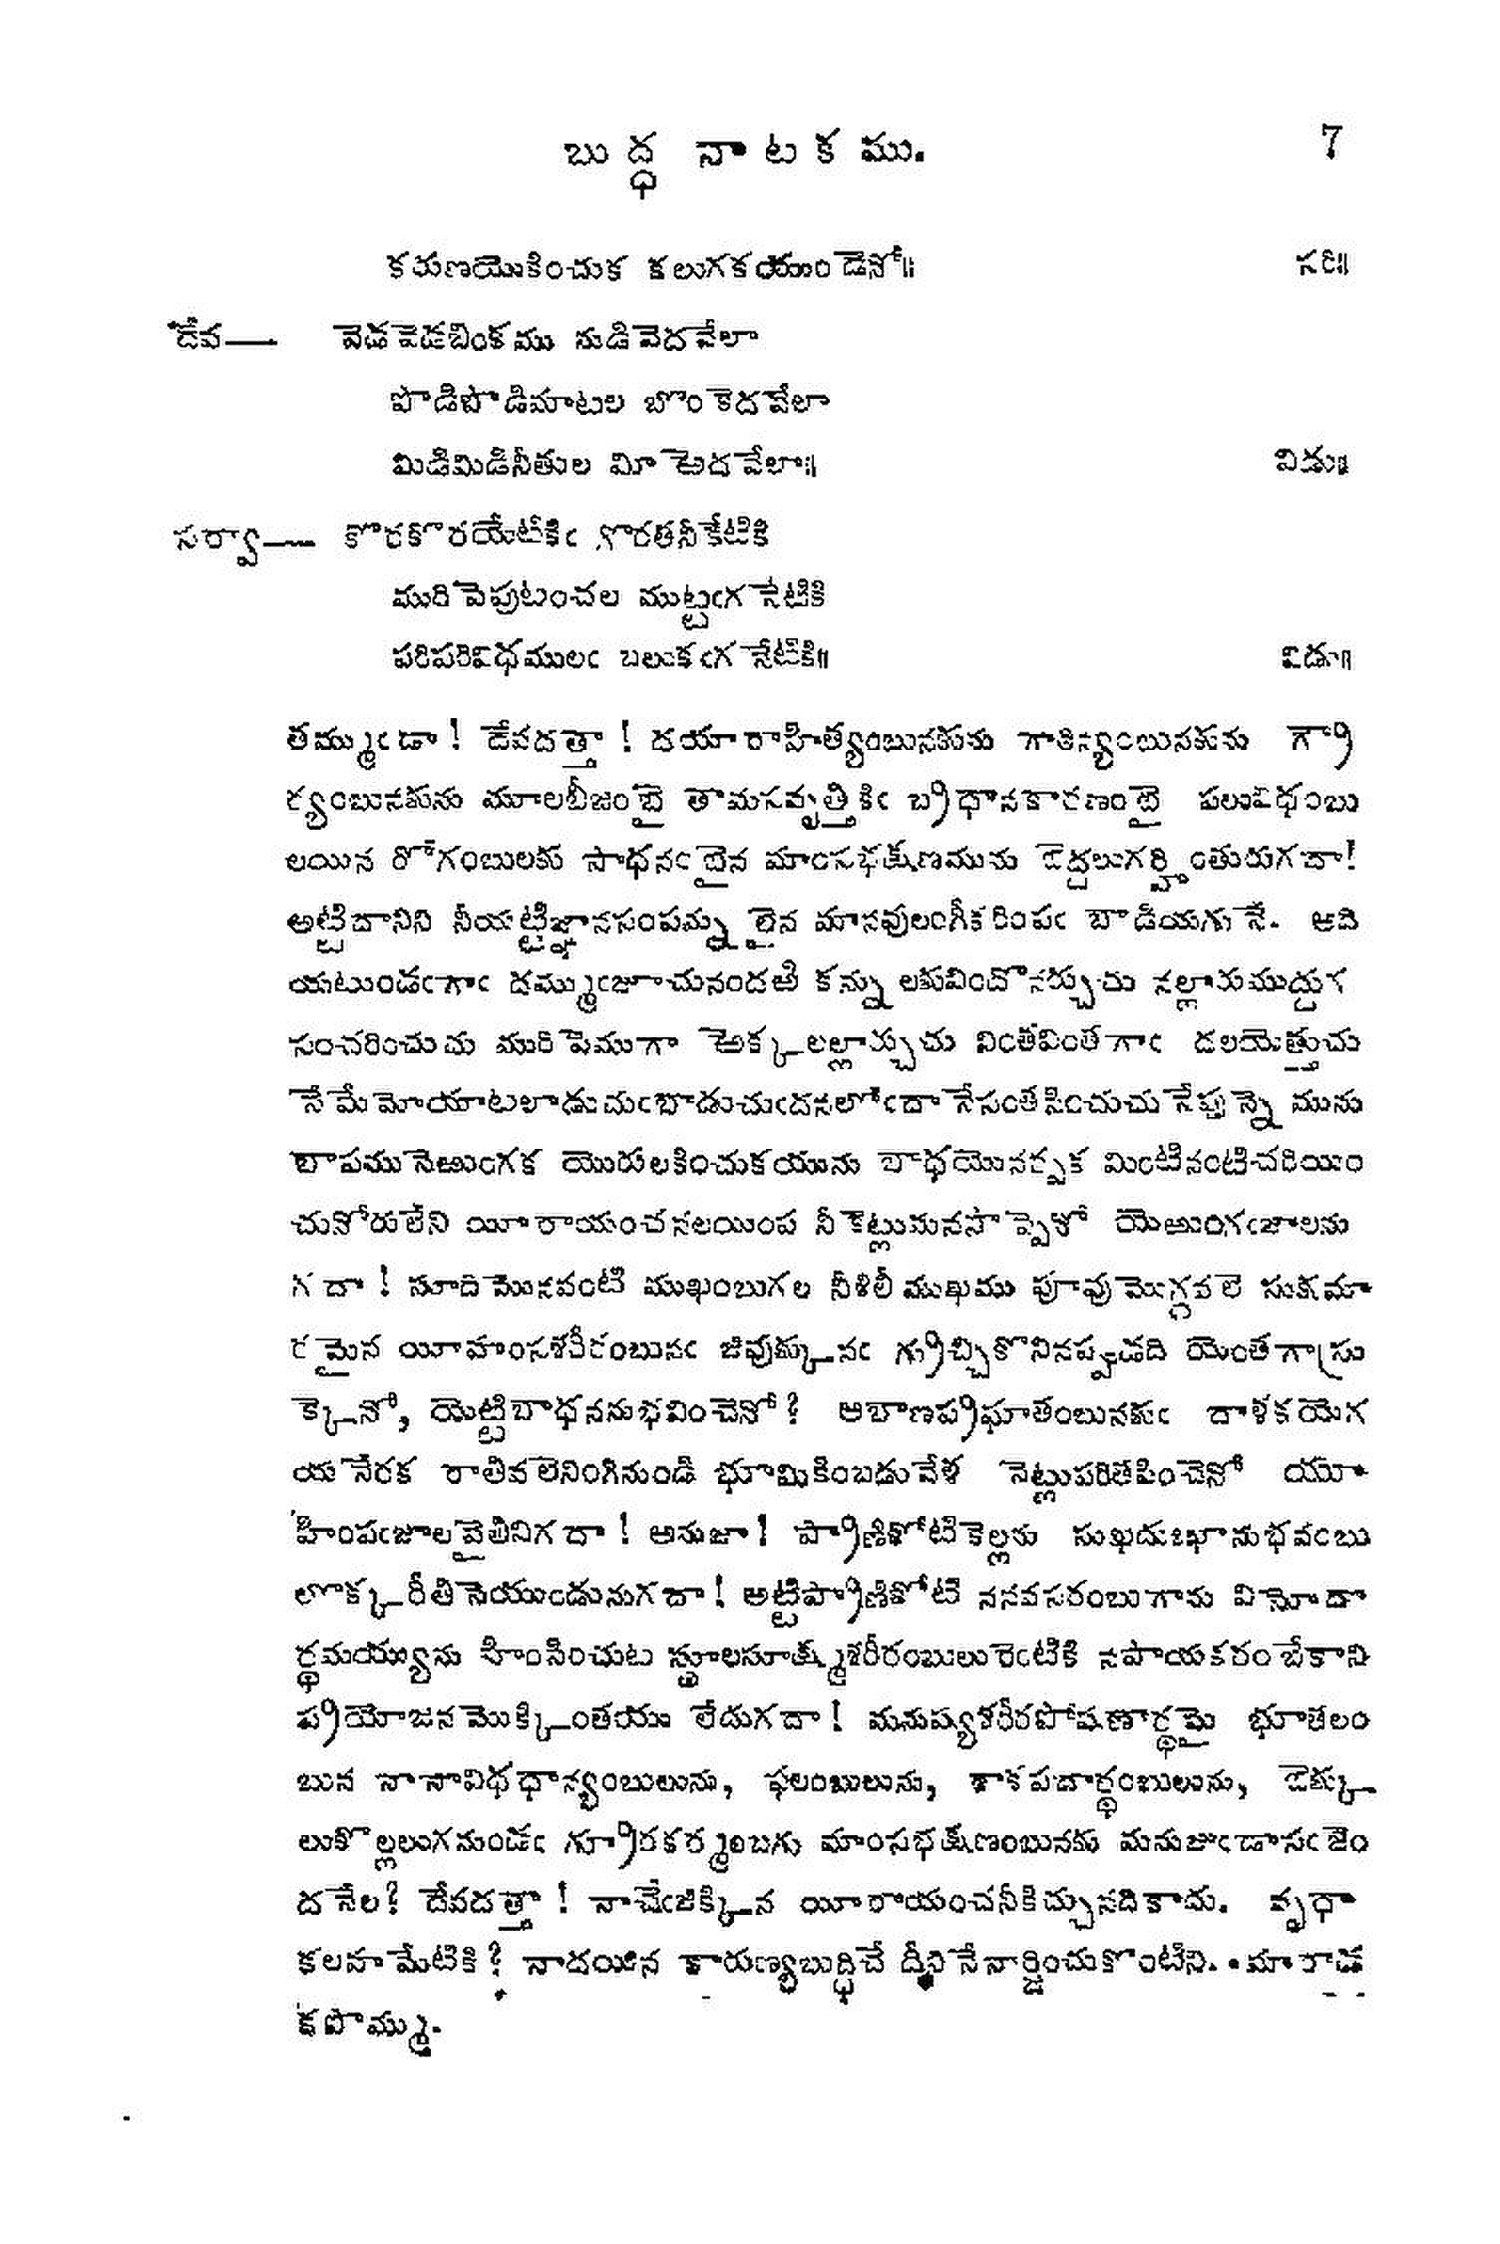కరుణయొకించుక కలుగకయుండెనోట 

దేవ - వెడవెడలింకము నుడివెదవేలా
పొడిపొడిమాటల బొంకెదవేలా
మిడిమిడినీతుల మీఱెదవేలా 

సర్వా - కొరకొరయేటికిఁ గొరతనీకేటికి
మురిపెపుటంచల ముట్టఁగనేటికి
పరిపరివిధములఁ బలుకఁగ నేటికి

తమ్ముఁడా! దేవదత్తా! దయారాహిత్యంబునకును గాఠిన్యంబునకును గౌర్యంబునకును మూలబీజంబై తామసవృత్తికిఁ బ్రధానకారణంబై 
పలువిధంబులయిన రోగంబులకు సాధనంబైన మాంసభక్షణమును బెద్దలుగర్హింతురుగదా! అట్టిదానిని నియట్టిజ్ఞానసంపన్నులైన మానవులంగీకరింపఁ బాడియగునె. ఆది యటుండఁగాఁ దమ్ముఁజూచునందఱిలి కన్నులకువిందొనర్చుచు నళ్లారుముద్దుగు సంచరించుచు మురిపెముగా ఱెక్కలల్లార్చుచు వింతవింతగాఁ దలయెత్తుచు నేమేమోయాటలాడుచుఁబాడుచుఁదనలోఁదానేసంతసించుచునేపున్నెమును
బాపము నెఱుంగక యొరులకించుకయును బాధయొనర్పక మింటినంటిచరియించునోరులేని యీరాయంచనలయింప నీకెట్లుమనసోప్పెనో రో యెఱుంగఁజాలను గదా! సూది మొనవంటి ముఖంబుగల నీ శిలీముఖము పూవుమొగ్గవలె సుకుమారమైన యీహంసశరీరంబునఁ జివుక్కునఁ గ్రుచ్చికొనినప్పుడది యెంతగాసుక్కెనో, యెట్టిబాధననుభవించెనో? ఆబాణప్రఘాతంబునకుఁ దాళకయెగయనేరక రాతివలెనింగినుండి భూమికింబడువేళ నెట్టుపరితపించెనో యూహింపఁజాలవైతినిగదా! అనుజా! ప్రాణికోటికెల్లను సుఖదుఃఖానుభవంబు లొక్కరీతినెయుండును
గదా! అట్టిప్రాణికోటి నసవసరంబుగాను విమోూదార్థమయ్యును హింసించుట స్థూలసూక్ష్మశరీరంబులు రెంటికి నపాయకరంబేకాని ప్రయోజన మొక్కింతయు లేదుగదా! మనుష్యశరీరపోషణార్థమై భూతలంబున నానావిధధాన్యంబులును, ఫలంబులును, శాకపదార్థంబులును, 
బెక్కులుకొల్లలుగనుండఁ గ్రూరకర్మంబగు మాంసభక్షణంబునకు మనుజుఁడాసఁజెంద నేల? దేవదత్తా! నాచేఁజిక్కిన యీరాయంచనీకిచ్చునది కాదు. వృధాకలహమేటికి? నాదయిన కారుణ్యబుద్ధిచే దీనినే నార్జించుకొంటిని. మారాడకపొమ్ము.